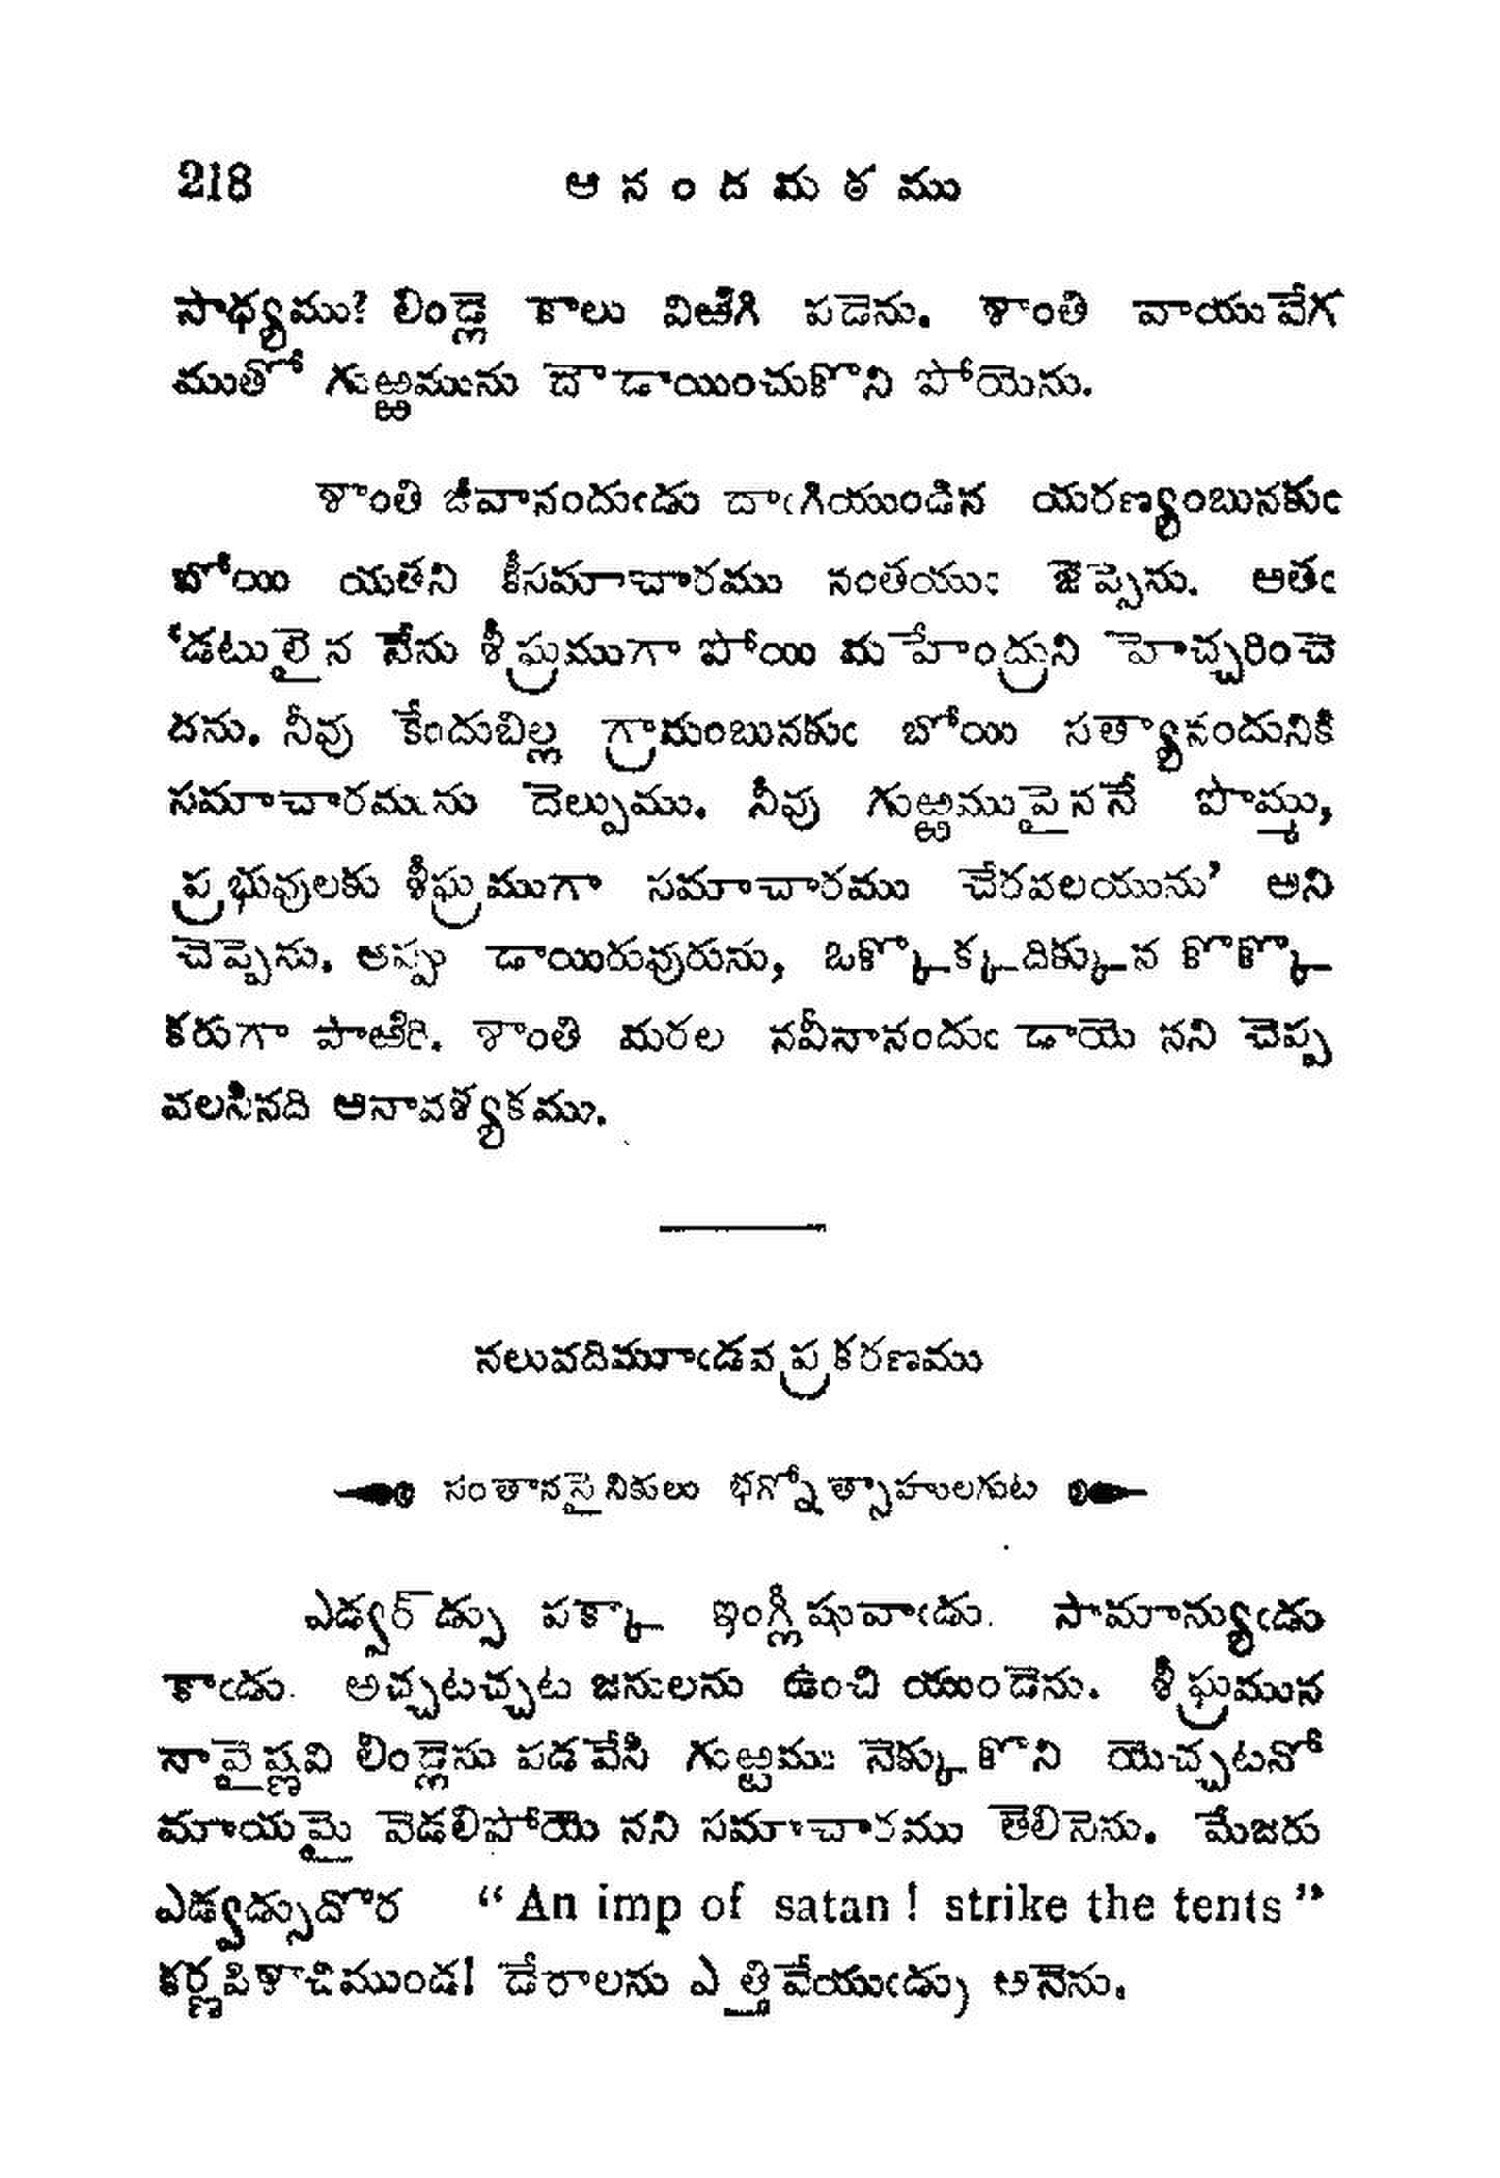సాధ్యము? లిండ్లె కాలు విఱిగి పడెను. శాంతి వాయు వేగముతో గుఱ్ఱమును దౌడాయించుకొని పోయెను.

శాంతి జీవానందుఁడు దాఁగియుండిన యరణ్యంబునకుఁ బోయి యతని కీసమాచారము నంతయుఁ జెప్పెను. అతఁడటు లైన నేను శీఘ్రముగా పోయి మహేంద్రుని హెచ్చరించెదను. నీవు కేందుబిల్ల గ్రామంబునకుఁ బోయి సత్యానందునికి సమాచారమును దెల్పుము, నీవు గుఱ్ఱము పైననే పొమ్ము, ప్రభువులకు శీఘ్రముగా సమాచారము చేరవలయును' అని
చెప్పెను, అప్పుడా యిరువురును, ఒక్కోక్క దిక్కున కొక్కొకరుగా పాఱిరి. శాంతి మరల నవీనానందుఁ డాయె నని చెప్ప
వలసినది ఆనావశ్యకము.

నలువది మూడవ ప్రకరణము

సంతాన సైనికులు భగ్నోత్సాహులగుట

ఎడ్వర్ డ్సు పక్కా ఇంగ్లీషువాఁడు. సామాన్యుఁడు కాఁడు. అచ్చటచ్చట జనులను ఉంచి యుండెను. శీఘ్రమున నా వైష్ణవి లిండ్లెను పడవేసి గుఱ్ఱము నెక్కుకొని యెచ్చటనో మాయమై వెడలిపోయె నని సమాచారము తెలిసెను. మేజరు ఎడ్వడ్సుదొర " An imp of satan ! strike the tents" కర్ణపిశాచిముండ! 'డేరాలను ఎత్తివేయుఁడు) అనెను.